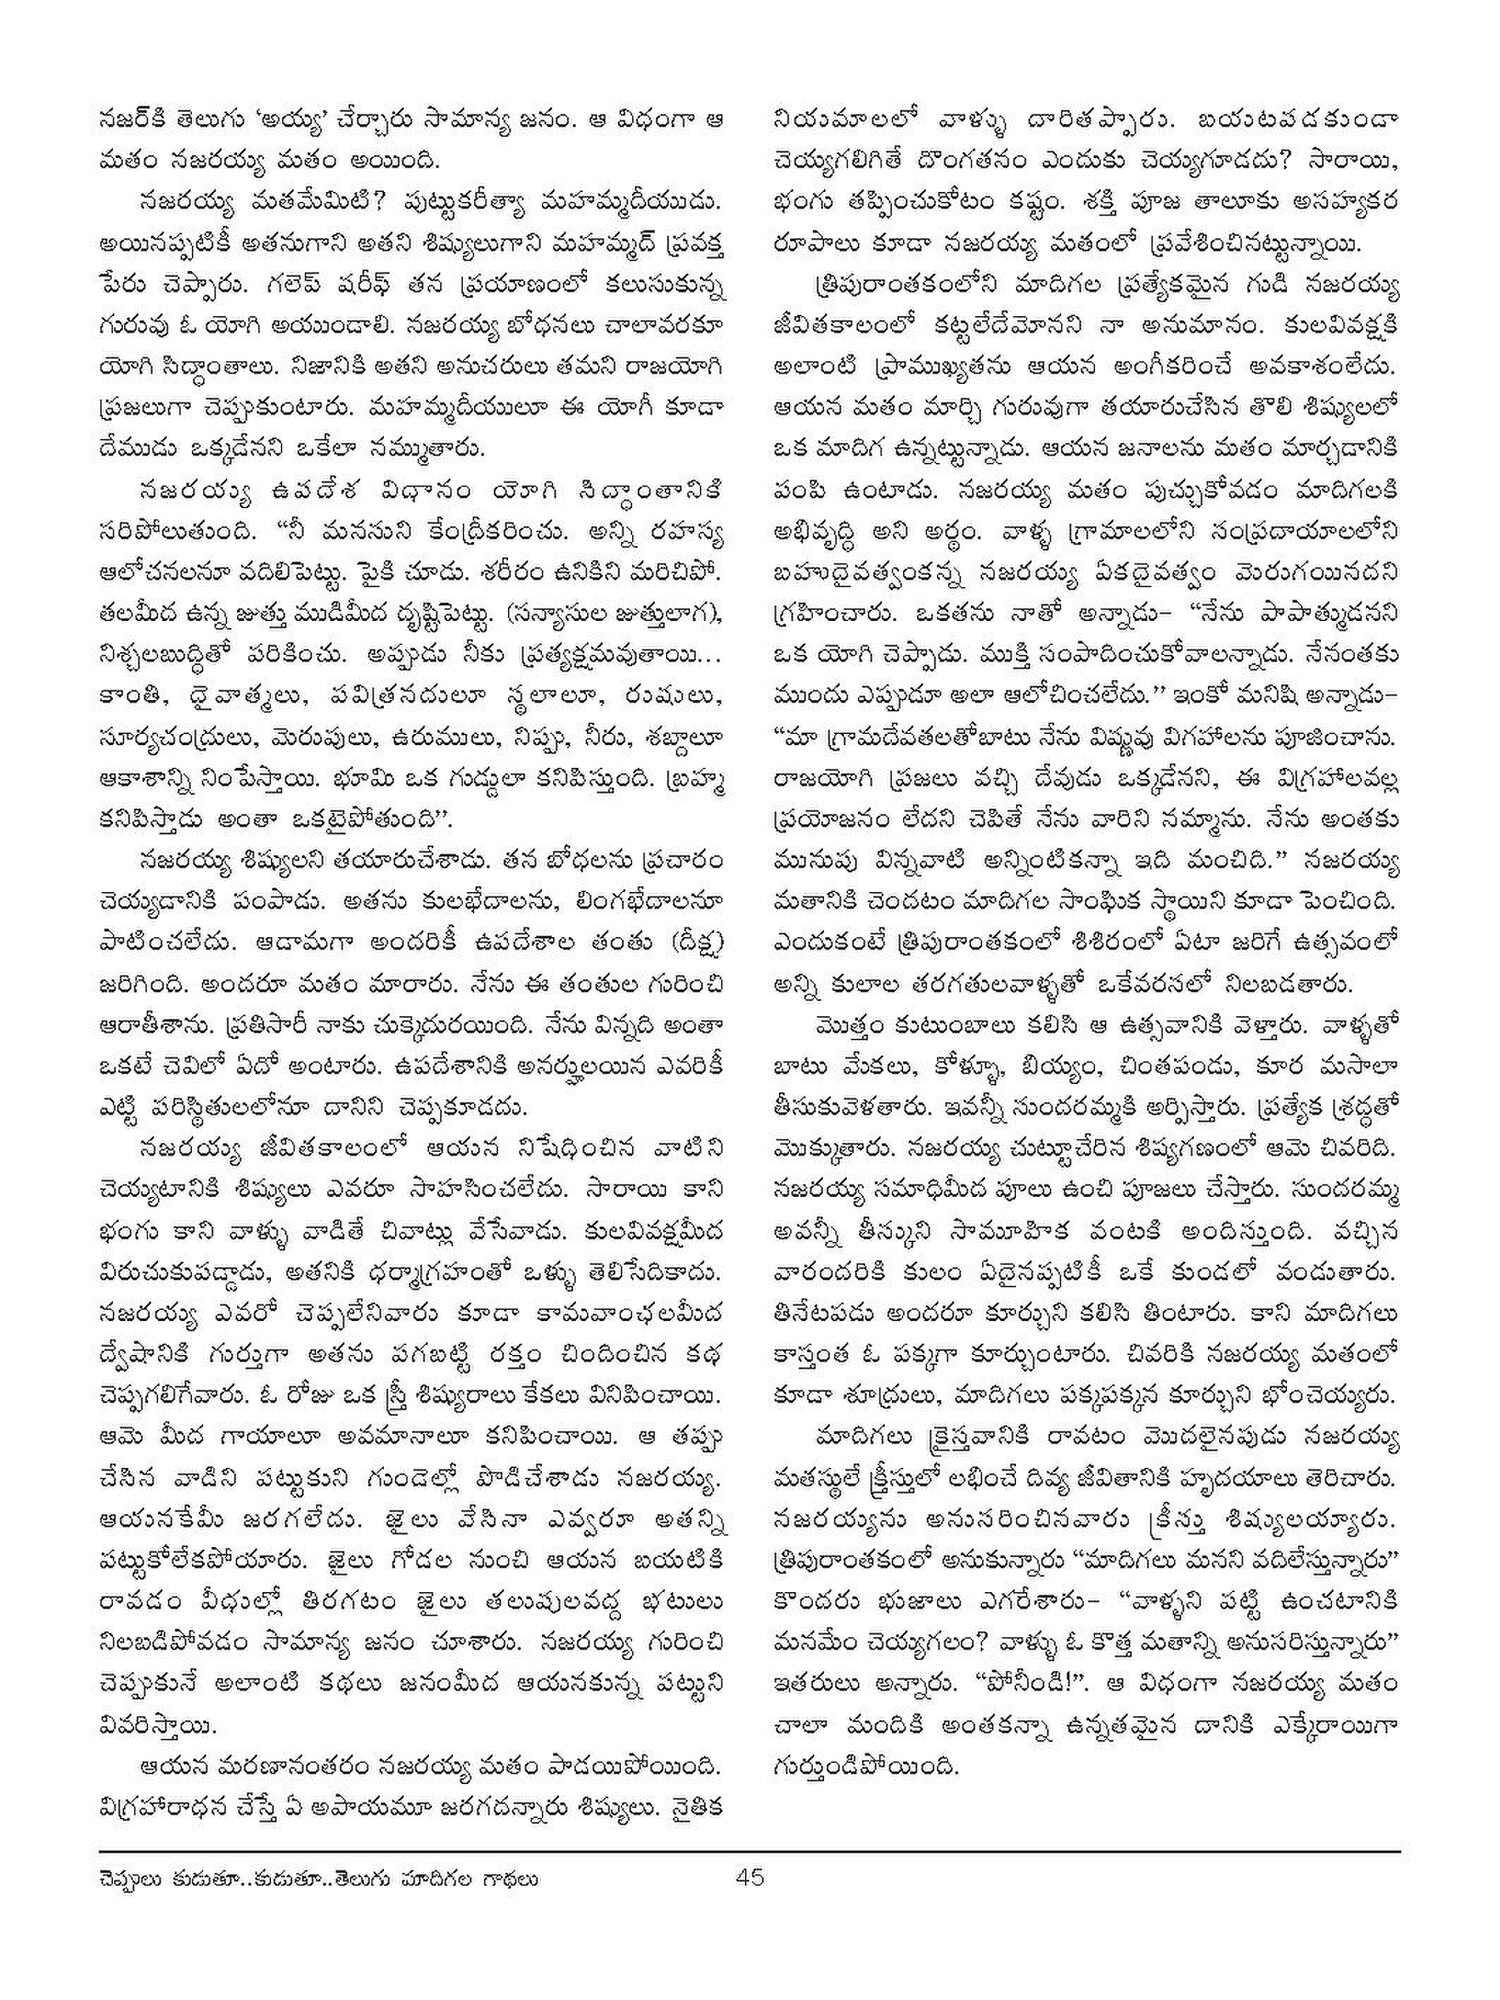నజర్‌కి తెలుగు 'అయ్య' చేర్చారు సామాన్య జనం. ఆ విధంగా ఆ మతం నజరయ్య మతం అయింది.

నజరయ్య మతమేమిటి? పుట్టుకరీత్యా మహమ్మదీయుడు. అయినప్పటికీ అతనుగాని అతని శిష్యులుగాని మహమ్మద్ ప్రవక్త పేరు చెప్పారు. గలెప్ షరీఫ్ తన ప్రయాణంలో కలుసుకున్న గురువు ఓ యోగి అయుండాలి. నజరయ్య బోధనలు చాలావరకూ యోగి సిద్ధాంతాలు. నిజానికి అతని అనుచరులు తమని రాజయోగి ప్రజలుగా చెప్పుకుంటారు. మహమ్మదీయులూ ఈ యోగీ కూడా దేముడు ఒక్కడేనని ఒకేలా నమ్ముతారు.

నజరయ్య ఉపదేశ విధానం యోగి సిద్ధాంతానికి సరిపోలుతుంది. “నీ మనసుని కేంద్రీకరించు. అన్ని రహస్య ఆలోచనలనూ వదిలిపెట్టు. పైకి చూడు. శరీరం ఉనికిని మరిచిపో. తలమీద ఉన్న జుత్తు ముడిమీద దృష్టిపెట్టు. (సన్యాసుల జుత్తులాగ), నిశ్చలబుద్ధితో పరికించు. అప్పుడు నీకు ప్రత్యక్షమవుతాయి... కాంతి. దైవాత్మలు, పవిత్రనదులూ స్థలాలూ, రుషులు, సూర్యచంద్రులు, మెరుపులు, ఉరుములు, నిప్పు, నీరు, శబ్దాలూ ఆకాశాన్ని నింపేస్తాయి. భూమి ఒక గుడ్డులా కనిపిస్తుంది. బ్రహ్మ కనిపిస్తాడు అంతా ఒకటైపోతుంది".

నజరయ్య శిష్యులని తయారుచేశాడు. తన బోధలను ప్రచారం చెయ్యడానికి పంపాడు. అతను కులభేదాలను, లింగభేదాలనూ పాటించలేదు. ఆడామగా అందరికీ ఉపదేశాల తంతు (దీక్ష) జరిగింది. అందరూ మతం మారారు. నేను ఈ తంతుల గురించి ఆరాతీశాను. ప్రతిసారీ నాకు చుక్కెదురయింది. నేను విన్నది అంతా ఒకటే చెవిలో ఏదో అంటారు. ఉపదేశానికి అనర్హులయిన ఎవరికీ ఎట్టి పరిస్థితులలోనూ దానిని చెప్పకూడదు.

నజరయ్య జీవితకాలంలో ఆయన నిషేధించిన వాటిని చెయ్యటానికి శిష్యులు ఎవరూ సాహసించలేదు. సారాయి కాని భంగు కాని వాళ్ళు వాడితే చివాట్లు వేసేవాడు. కులవివక్షమీద విరుచుకుపడ్డాడు, అతనికి ధర్మాగ్రహంతో ఒళ్ళు తెలిసేదికాదు. నజరయ్య ఎవరో చెప్పలేనివారు కూడా కామవాంఛలమీద ద్వేషానికి గుర్తుగా అతను పగబట్టి రక్తం చిందించిన కథ చెప్పగలిగేవారు. ఓ రోజు ఒక స్త్రీ శిష్యురాలు కేకలు వినిపించాయి. ఆమె మీద గాయాలూ అవమానాలూ కనిపించాయి. ఆ తప్పు చేసిన వాడిని పట్టుకుని గుండెల్లో పొడిచేశాడు నజరయ్య. ఆయనకేమీ జరగలేదు. జైలు వేసినా ఎవ్వరూ అతన్ని
పట్టుకోలేకపోయారు. జైలు గోడల నుంచి ఆయన బయటికి రావడం వీధుల్లో తిరగటం జైలు తలుపులవద్ద భటులు నిలబడిపోవడం సామాన్య జనం చూశారు. నజరయ్య గురించి చెప్పుకునే అలాంటి కథలు జనంమీద ఆయనకున్న పట్టుని వివరిస్తాయి.

ఆయన మరణానంతరం నజరయ్య మతం పాడయిపోయింది. విగ్రహారాధన చేస్తే ఏ అపాయమూ జరగదన్నారు శిష్యులు. నైతిక నియమాలలో వాళ్ళు దారితప్పారు. బయటపడకుండా చెయ్యగలిగితే దొంగతనం ఎందుకు చెయ్యగూడదు? సారాయి, భంగు తప్పించుకోటం కష్టం. శక్తి పూజ తాలూకు అసహ్యకర రూపాలు కూడా నజరయ్య మతంలో ప్రవేశించినట్టున్నాయి.

త్రిపురాంతకంలోని మాదిగల ప్రత్యేకమైన గుడి నజరయ్య జీవితకాలంలో కట్టలేదేమోనని నా అనుమానం. కులవివక్షకి అలాంటి ప్రాముఖ్యతను ఆయన అంగీకరించే అవకాశంలేదు. ఆయన మతం మార్చి గురువుగా తయారుచేసిన తొలి శిష్యులలో ఒక మాదిగ ఉన్నట్టున్నాడు. ఆయన జనాలను మతం మార్చడానికి పంపి ఉంటాడు. నజరయ్య మతం పుచ్చుకోవడం మాదిగలకి అభివృద్ధి అని అర్థం. వాళ్ళ గ్రామాలలోని సంప్రదాయాలలోని బహుదైవత్వంకన్న నజరయ్య ఏకదైవత్వం మెరుగయినదని గ్రహించారు. ఒకతను నాతో అన్నాడు- "నేను పాపాత్ముడనని ఒక యోగి చెప్పాడు. ముక్తి సంపాదించుకోవాలన్నాడు. నేనంతకు
ముందు ఎప్పుడూ అలా ఆలోచించలేదు.” ఇంకో మనిషి అన్నాడు- "మా గ్రామదేవతలతోబాటు నేను విష్ణువు విగ్రహాలను పూజించాను. రాజయోగి ప్రజలు వచ్చి దేవుడు ఒక్కడేనని, ఈ విగ్రహాలవల్ల
ప్రయోజనం లేదని చెపితే నేను వారిని నమ్మాను. నేను అంతకు మునుపు విన్నవాటి అన్నింటికన్నా ఇది మంచిది.” నజరయ్య మతానికి చెందటం మాదిగల సాంఘిక స్థాయిని కూడా పెంచింది. ఎందుకంటే త్రిపురాంతకంలో శిశిరంలో ఏటా జరిగే ఉత్సవంలో అన్ని కులాల తరగతులవాళ్ళతో ఒకే వరసలో నిలబడతారు.

మొత్తం కుటుంబాలు కలిసి ఆ ఉత్సవానికి వెళ్తారు. వాళ్ళతో బాటు మేకలు, కోళ్ళూ, బియ్యం, చింతపండు, కూర మసాలా తీసుకువెళతారు. ఇవన్నీ సుందరమ్మకి అర్పిస్తారు. ప్రత్యేక శ్రద్ధతో మొక్కుతారు. నజరయ్య చుట్టూచేరిన శిష్యగణంలో ఆమె చివరిది. నజరయ్య సమాధిమీద పూలు ఉంచి పూజలు చేస్తారు. సుందరమ్మ అవన్నీ తీస్కుని సామూహిక వంటకి అందిస్తుంది. వచ్చిన వారందరికి కులం ఏదైనప్పటికీ ఒకే కుండలో వండుతారు. తినేటపడు అందరూ కూర్చుని కలిసి తింటారు. కాని మాదిగలు కాస్తంత ఓ పక్కగా కూర్చుంటారు. చివరికి నజరయ్య మతంలో కూడా శూద్రులు, మాదిగలు పక్కపక్కన కూర్చుని భోంచెయ్యరు.

మాదిగలు క్రైస్తవానికి రావటం మొదలైనపుడు నజరయ్య మతస్థులే క్రీస్తులో లభించే దివ్య జీవితానికి హృదయాలు తెరిచారు. నజరయ్యను అనుసరించినవారు క్రీస్తు శిష్యులయ్యారు. త్రిపురాంతకంలో అనుకున్నారు "మాదిగలు మనని వదిలేస్తున్నారు” కొందరు భుజాలు ఎగరేశారు- “వాళ్ళని పట్టి ఉంచటానికి మనమేం చెయ్యగలం? వాళ్ళు ఓ కొత్త మతాన్ని అనుసరిస్తున్నారు”. ఇతరులు అన్నారు. "పోనీండి!". ఆ విధంగా నజరయ్య మతం చాలా మందికి అంతకన్నా ఉన్నతమైన దానికి ఎక్కేరాయిగా
గుర్తుండిపోయింది.